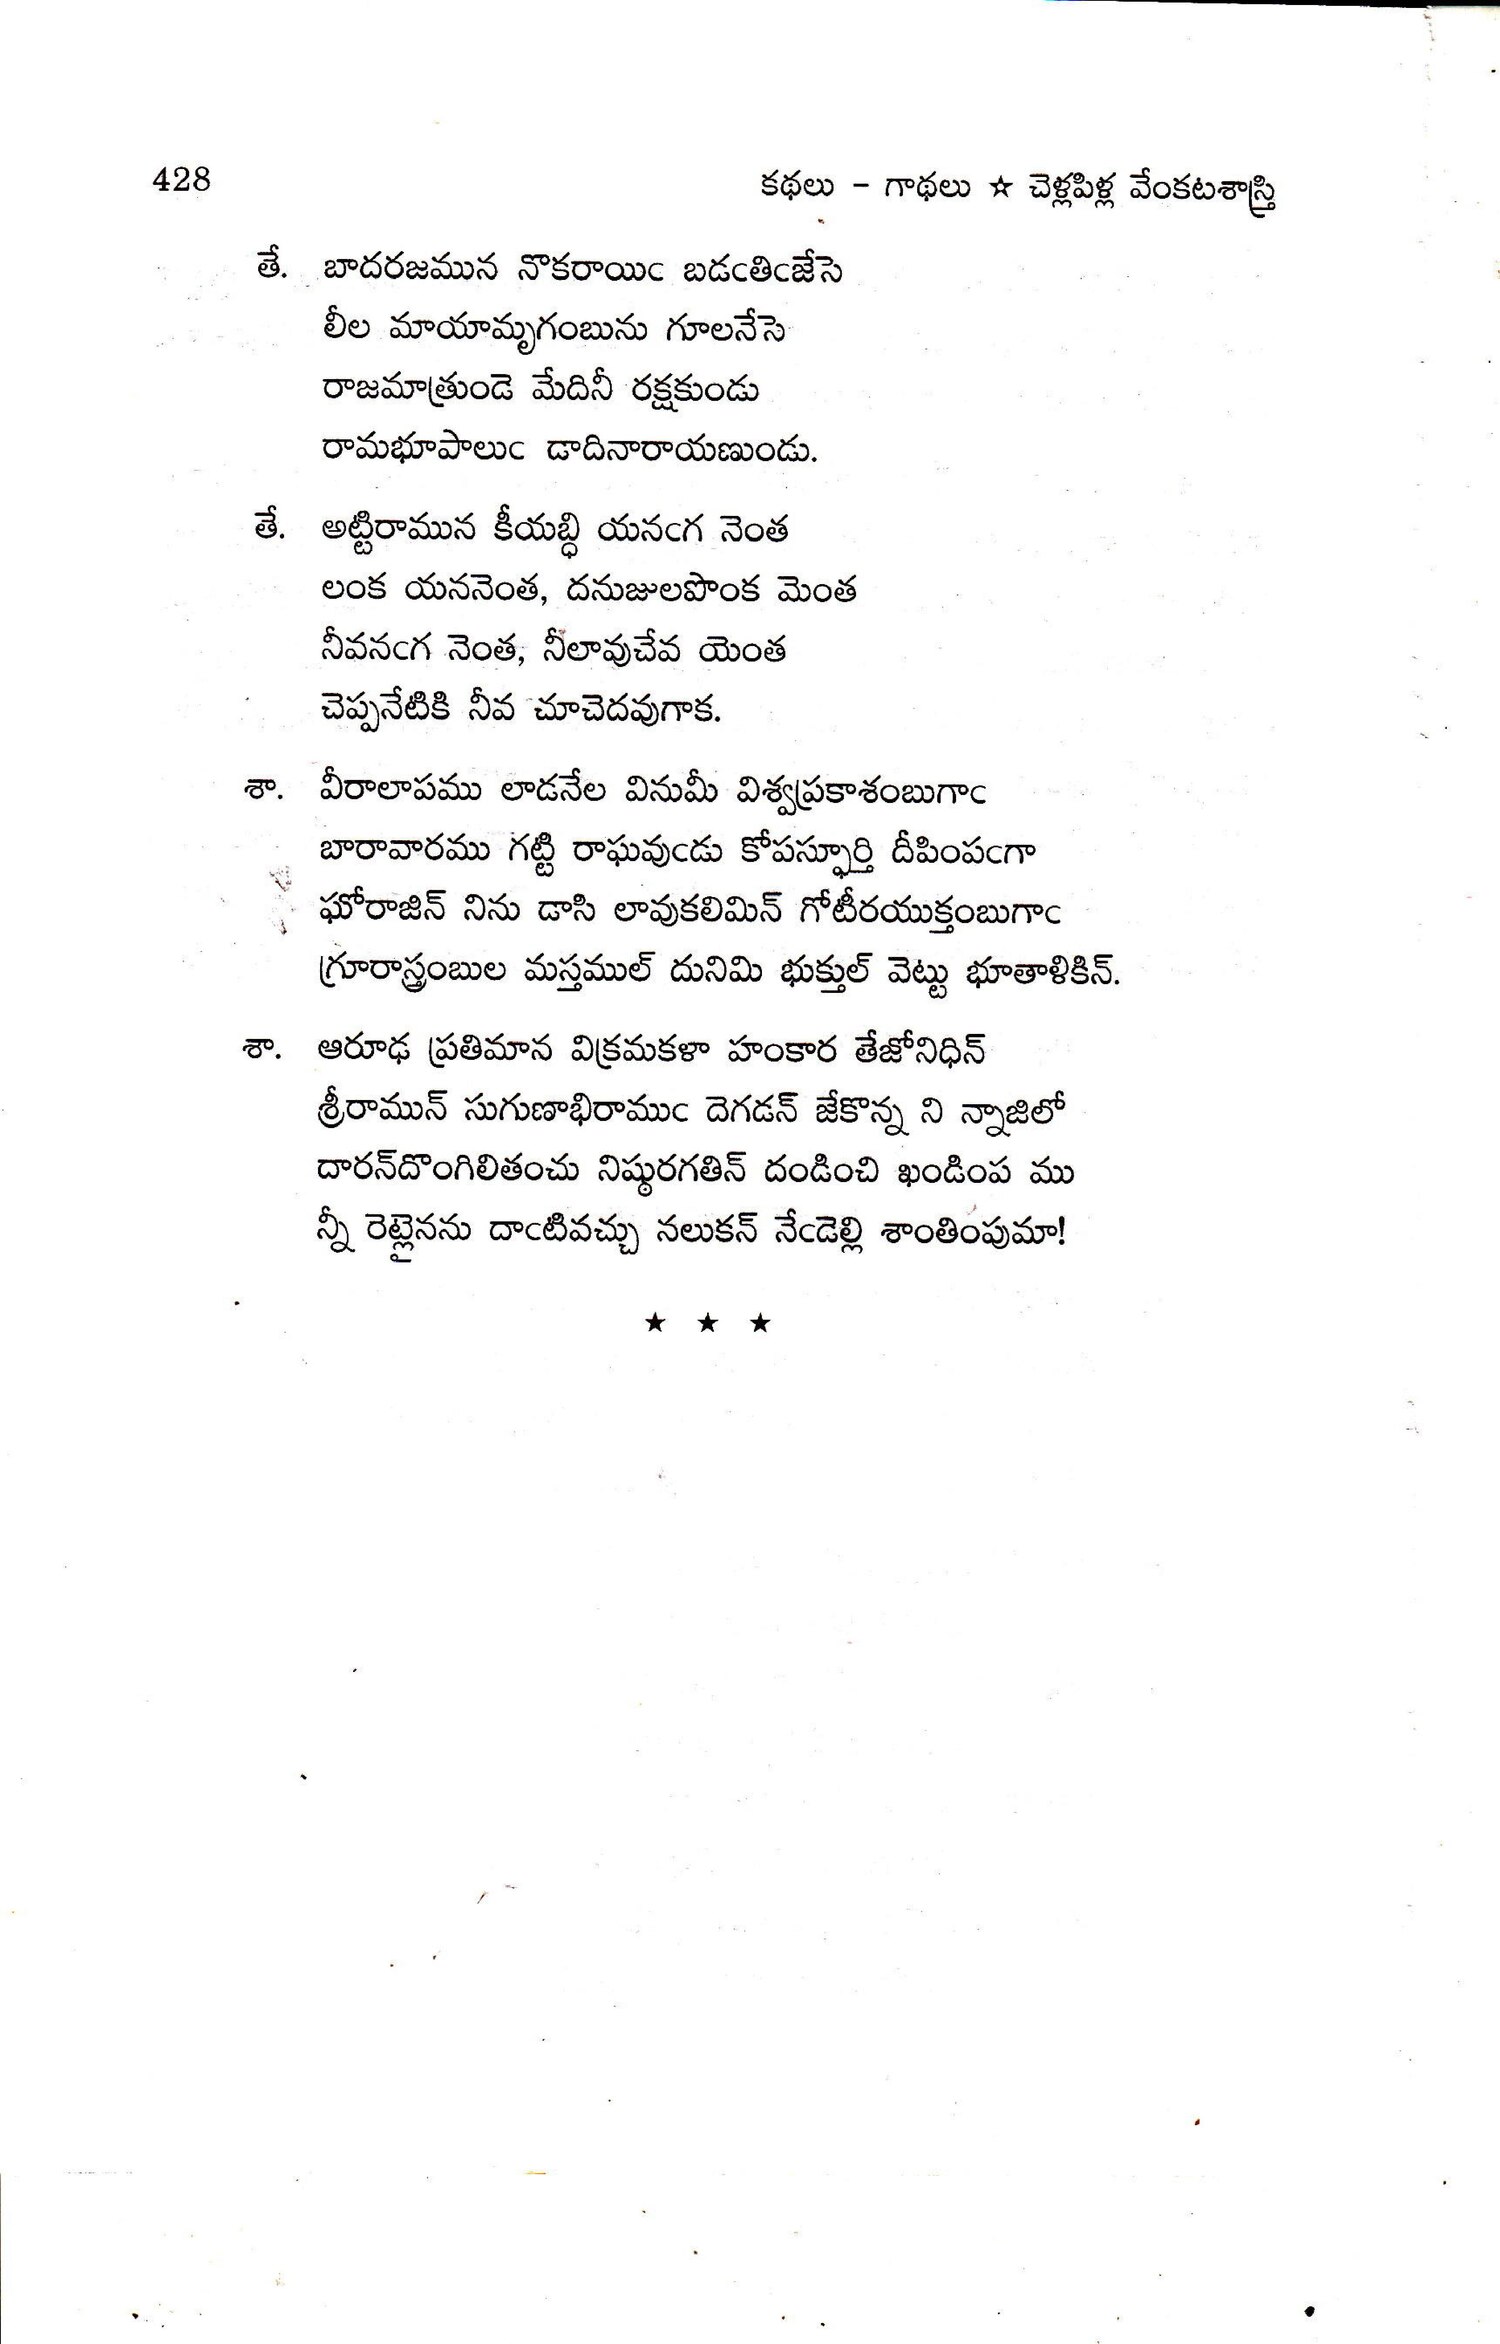తే. బాదరజమున నొకరాయిఁ బడఁతిఁజేసె 
 లీల మాయామ్భగంబును గూలనేసె 
 రాజమాత్రుండె మేదినీ రక్షకుండు 
 రామభూపాలుఁ డాదినారాయణుండు.

తే. అట్టిరామున కీయబ్ది యనఁగ నెంత
 లంక యననెంత, దనుజులపొంక మెంత 
 నీవనఁగ నెంత, నీలావుచేవ యెంత 
 చెప్పనేటికి నీవ చూచెదవుగాక.

శా. వీరాలాపము లాడనేల వినుమీ విశ్వప్రకాశంబుగాఁ
 బారావారము గట్టి రాఘవుఁడు కోపస్ఫూర్తి దీపింపఁగా
 ఘోరాజిన్ నిను డాసి లావుకలిమిన్ గోటీరయుక్తంబుగాఁ 
 గ్రూరాస్త్రంబుల మస్తముల్ దునిమి భుక్తుల్ వెట్టు భూతాళికిన్,

శా. ఆరూఢ ప్రతిమాన విక్రమకళా హంకార తేజోనిధిన్
 శ్రీరామున్ సుగుణాభిరాముఁ దెగడన్ జేకొన్న ని న్నాజిలో 
 దారన్‌దొంగిలితంచు నిష్ఠురగతిన్ దండించి ఖండింప ము 
 న్నీ రెట్లైనను దాఁటివచ్చు నలుకన్ నేఁడెల్లి శాంతింపుమా!